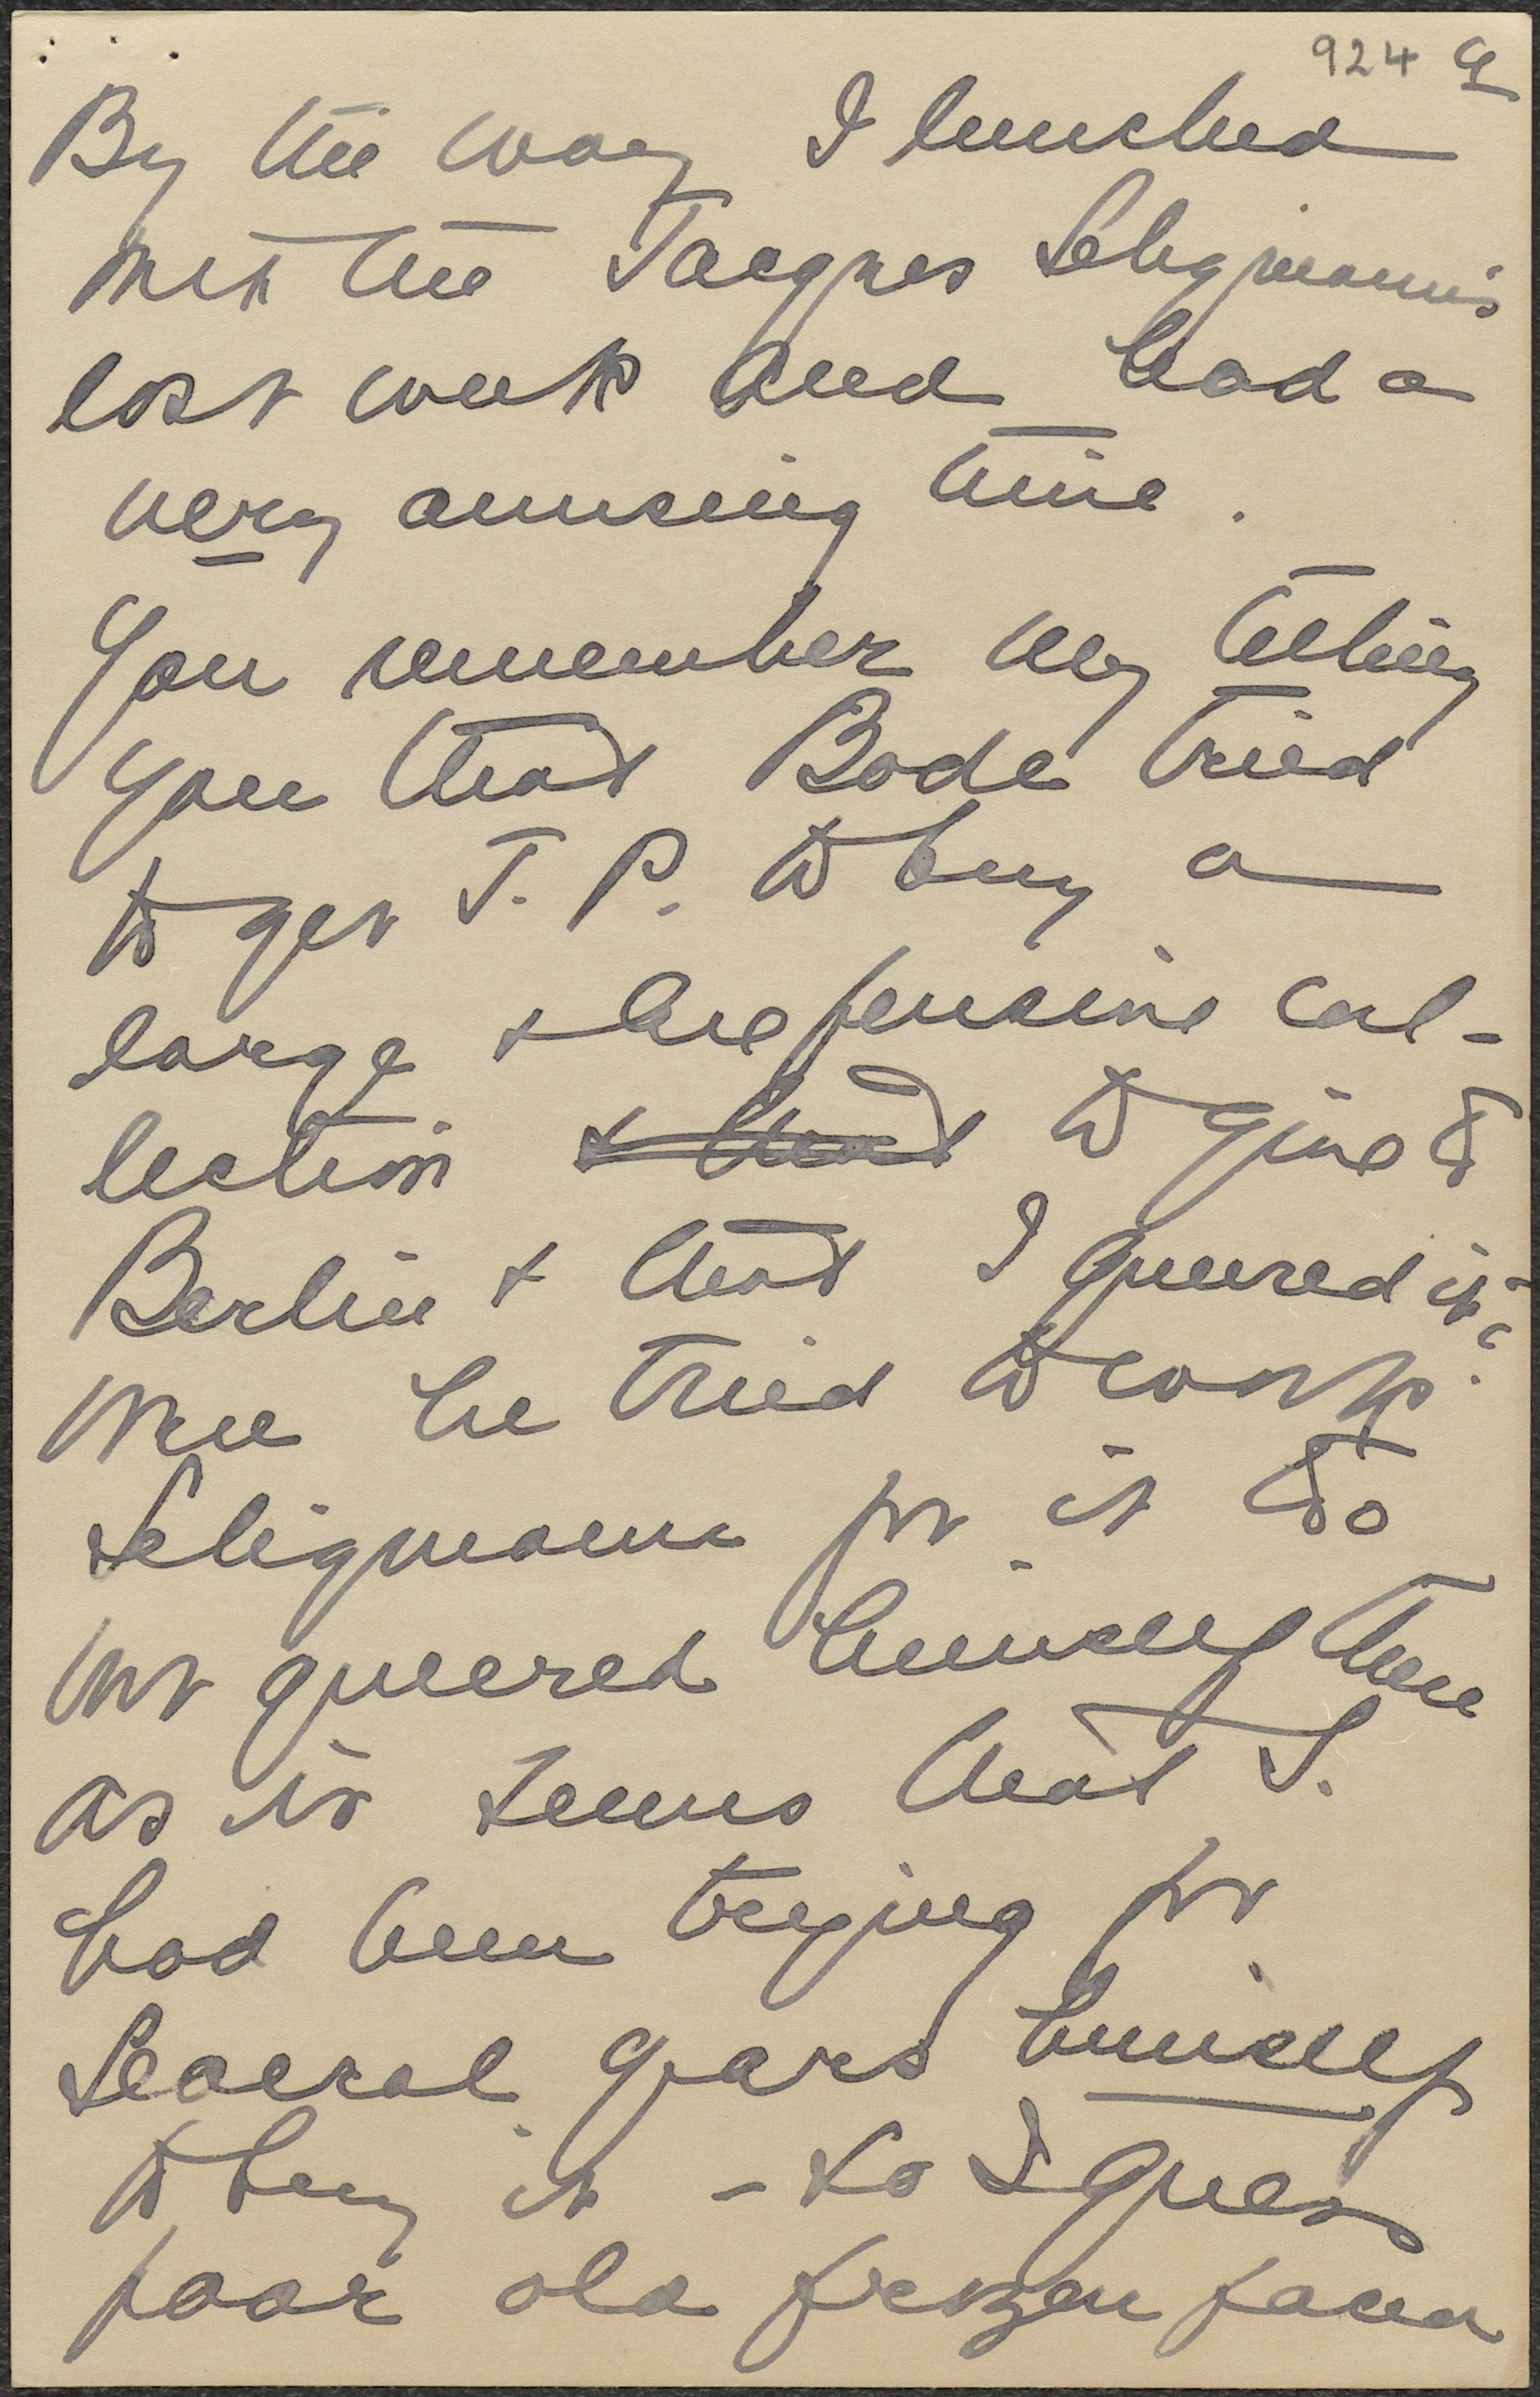9
By the way I lunched with the Jacques Seligmann’s last week and had a very amusing time.
You remember my telling you that Bode tried to get J. P. to buy a large & expensive collection & that to give to Berlin & that I queered it? Well he tried to work Seligmann for it too but queered himself there as it seems that S. had been trying for several years himself to buy it – so I guess poor old frozen faced